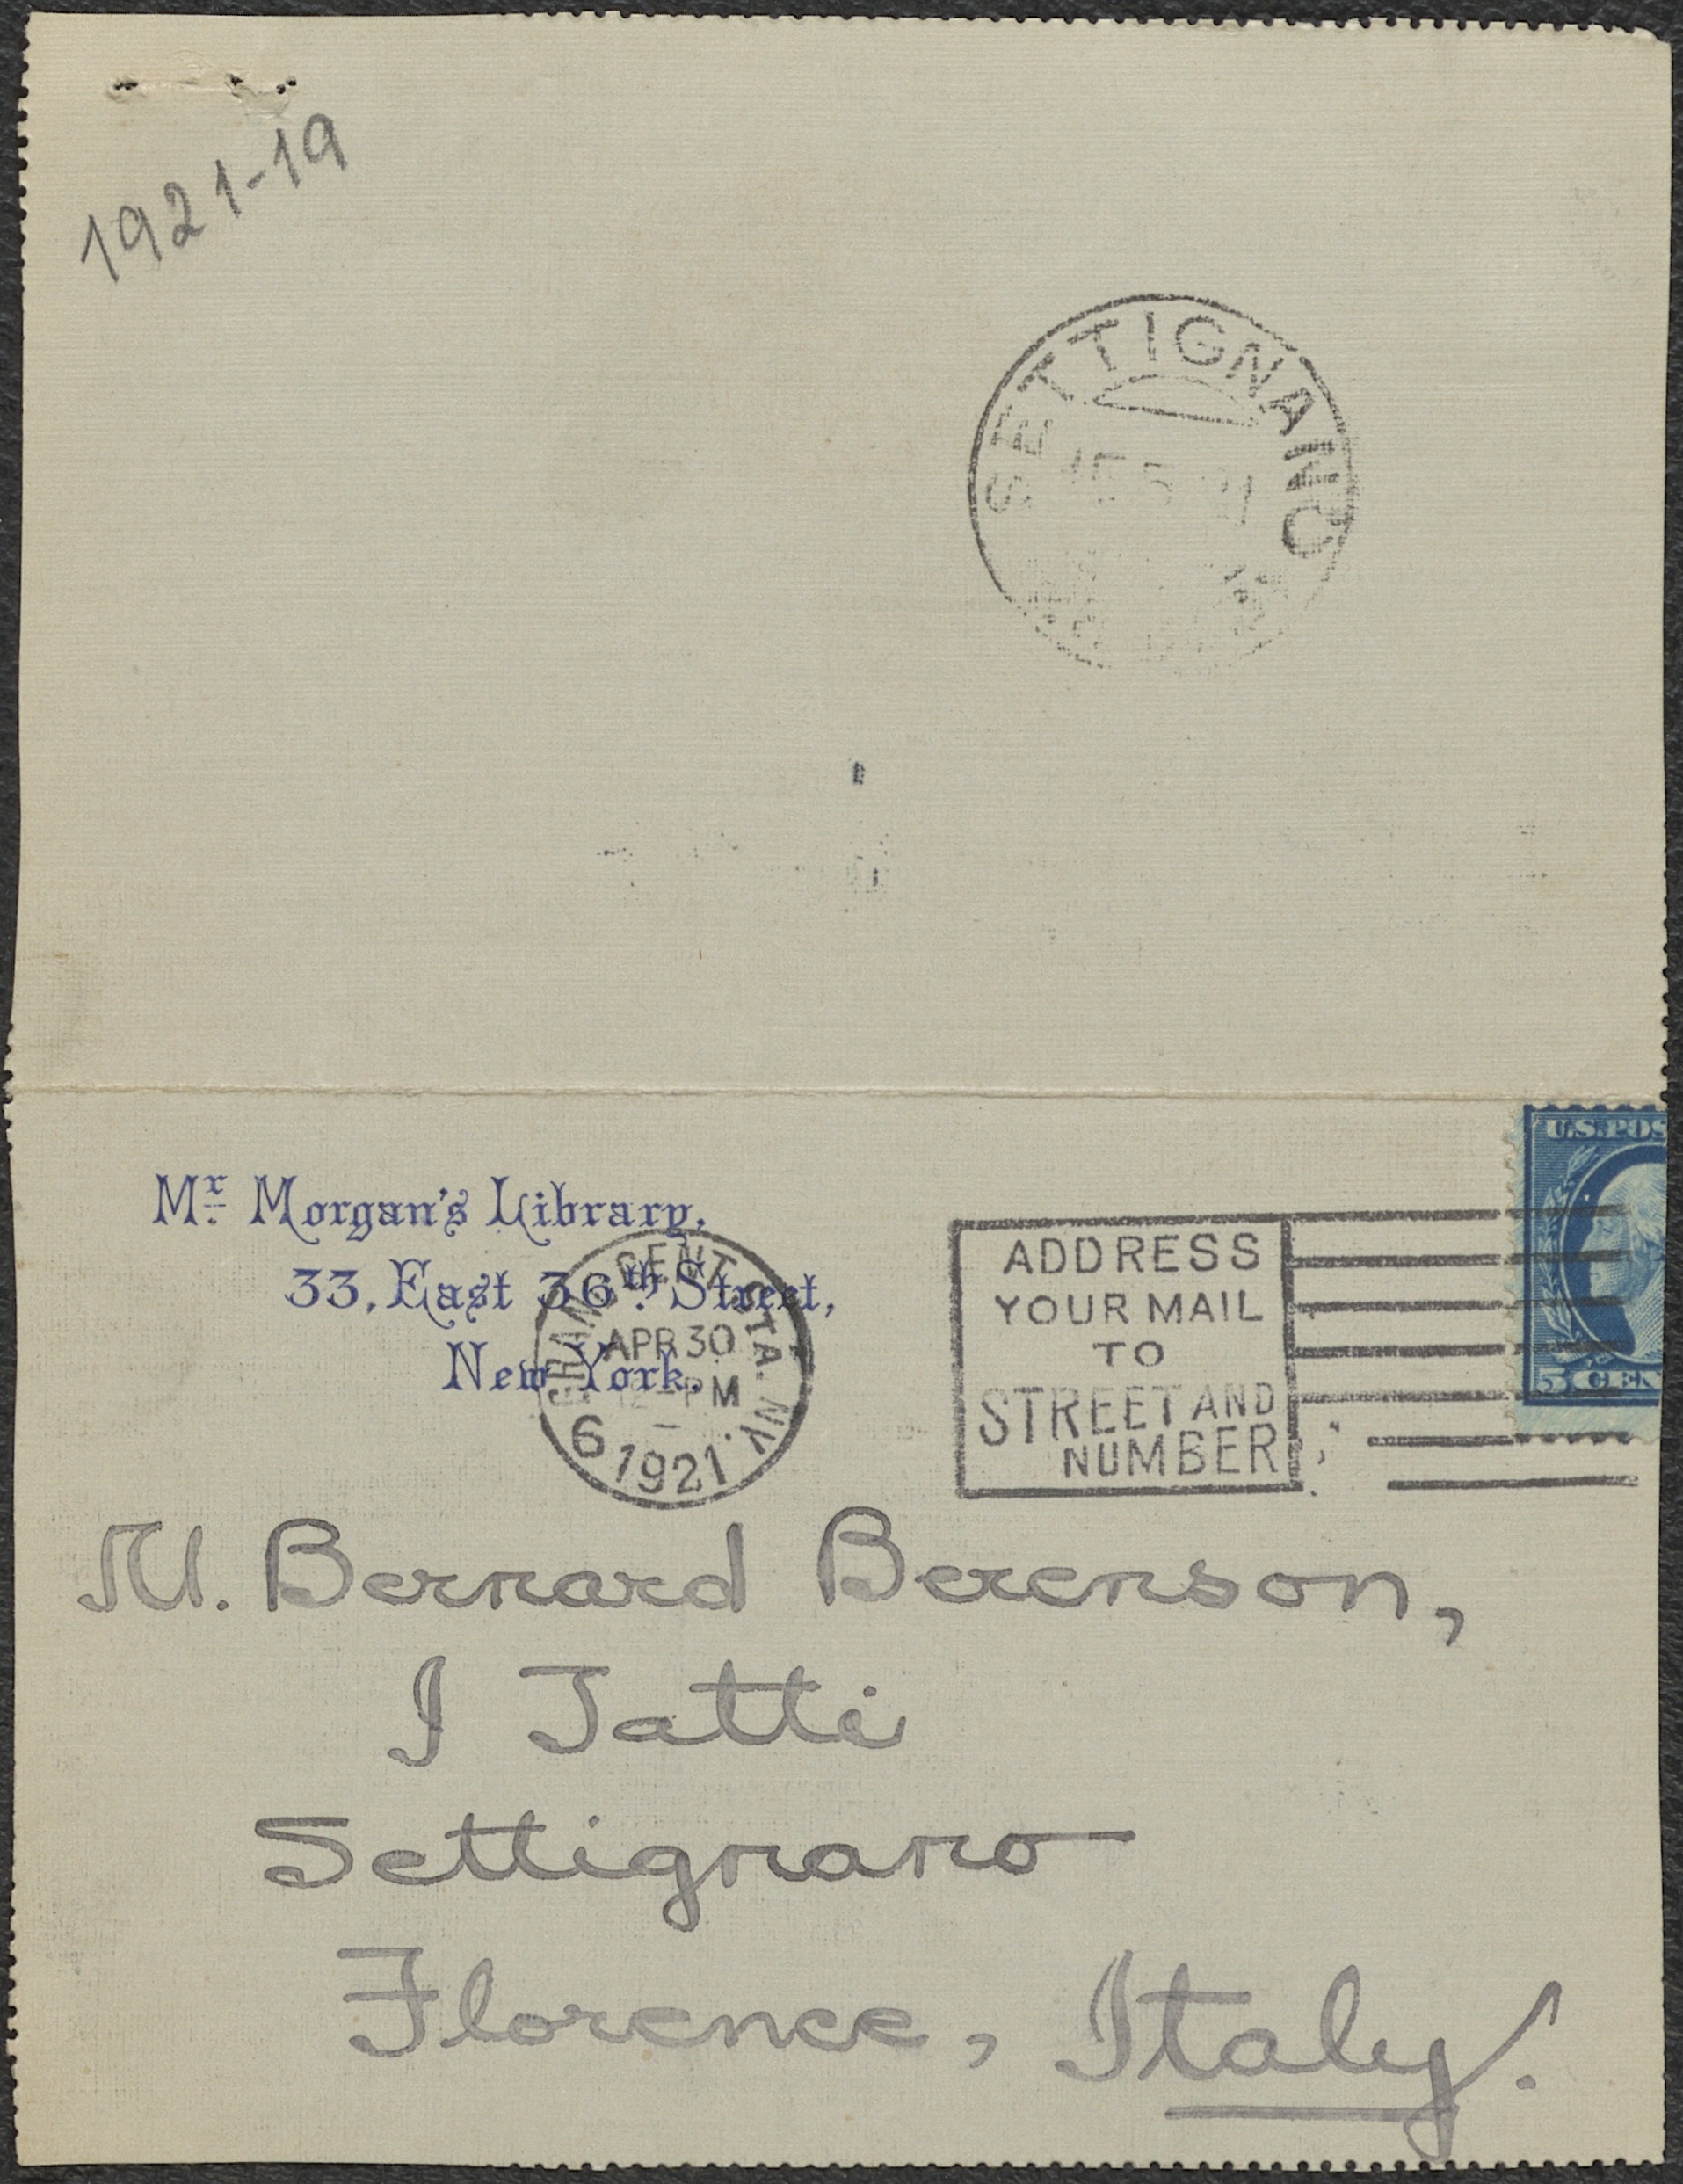M. Bernard Berenson,
I Tatti
Settignano
Florence, Italy.